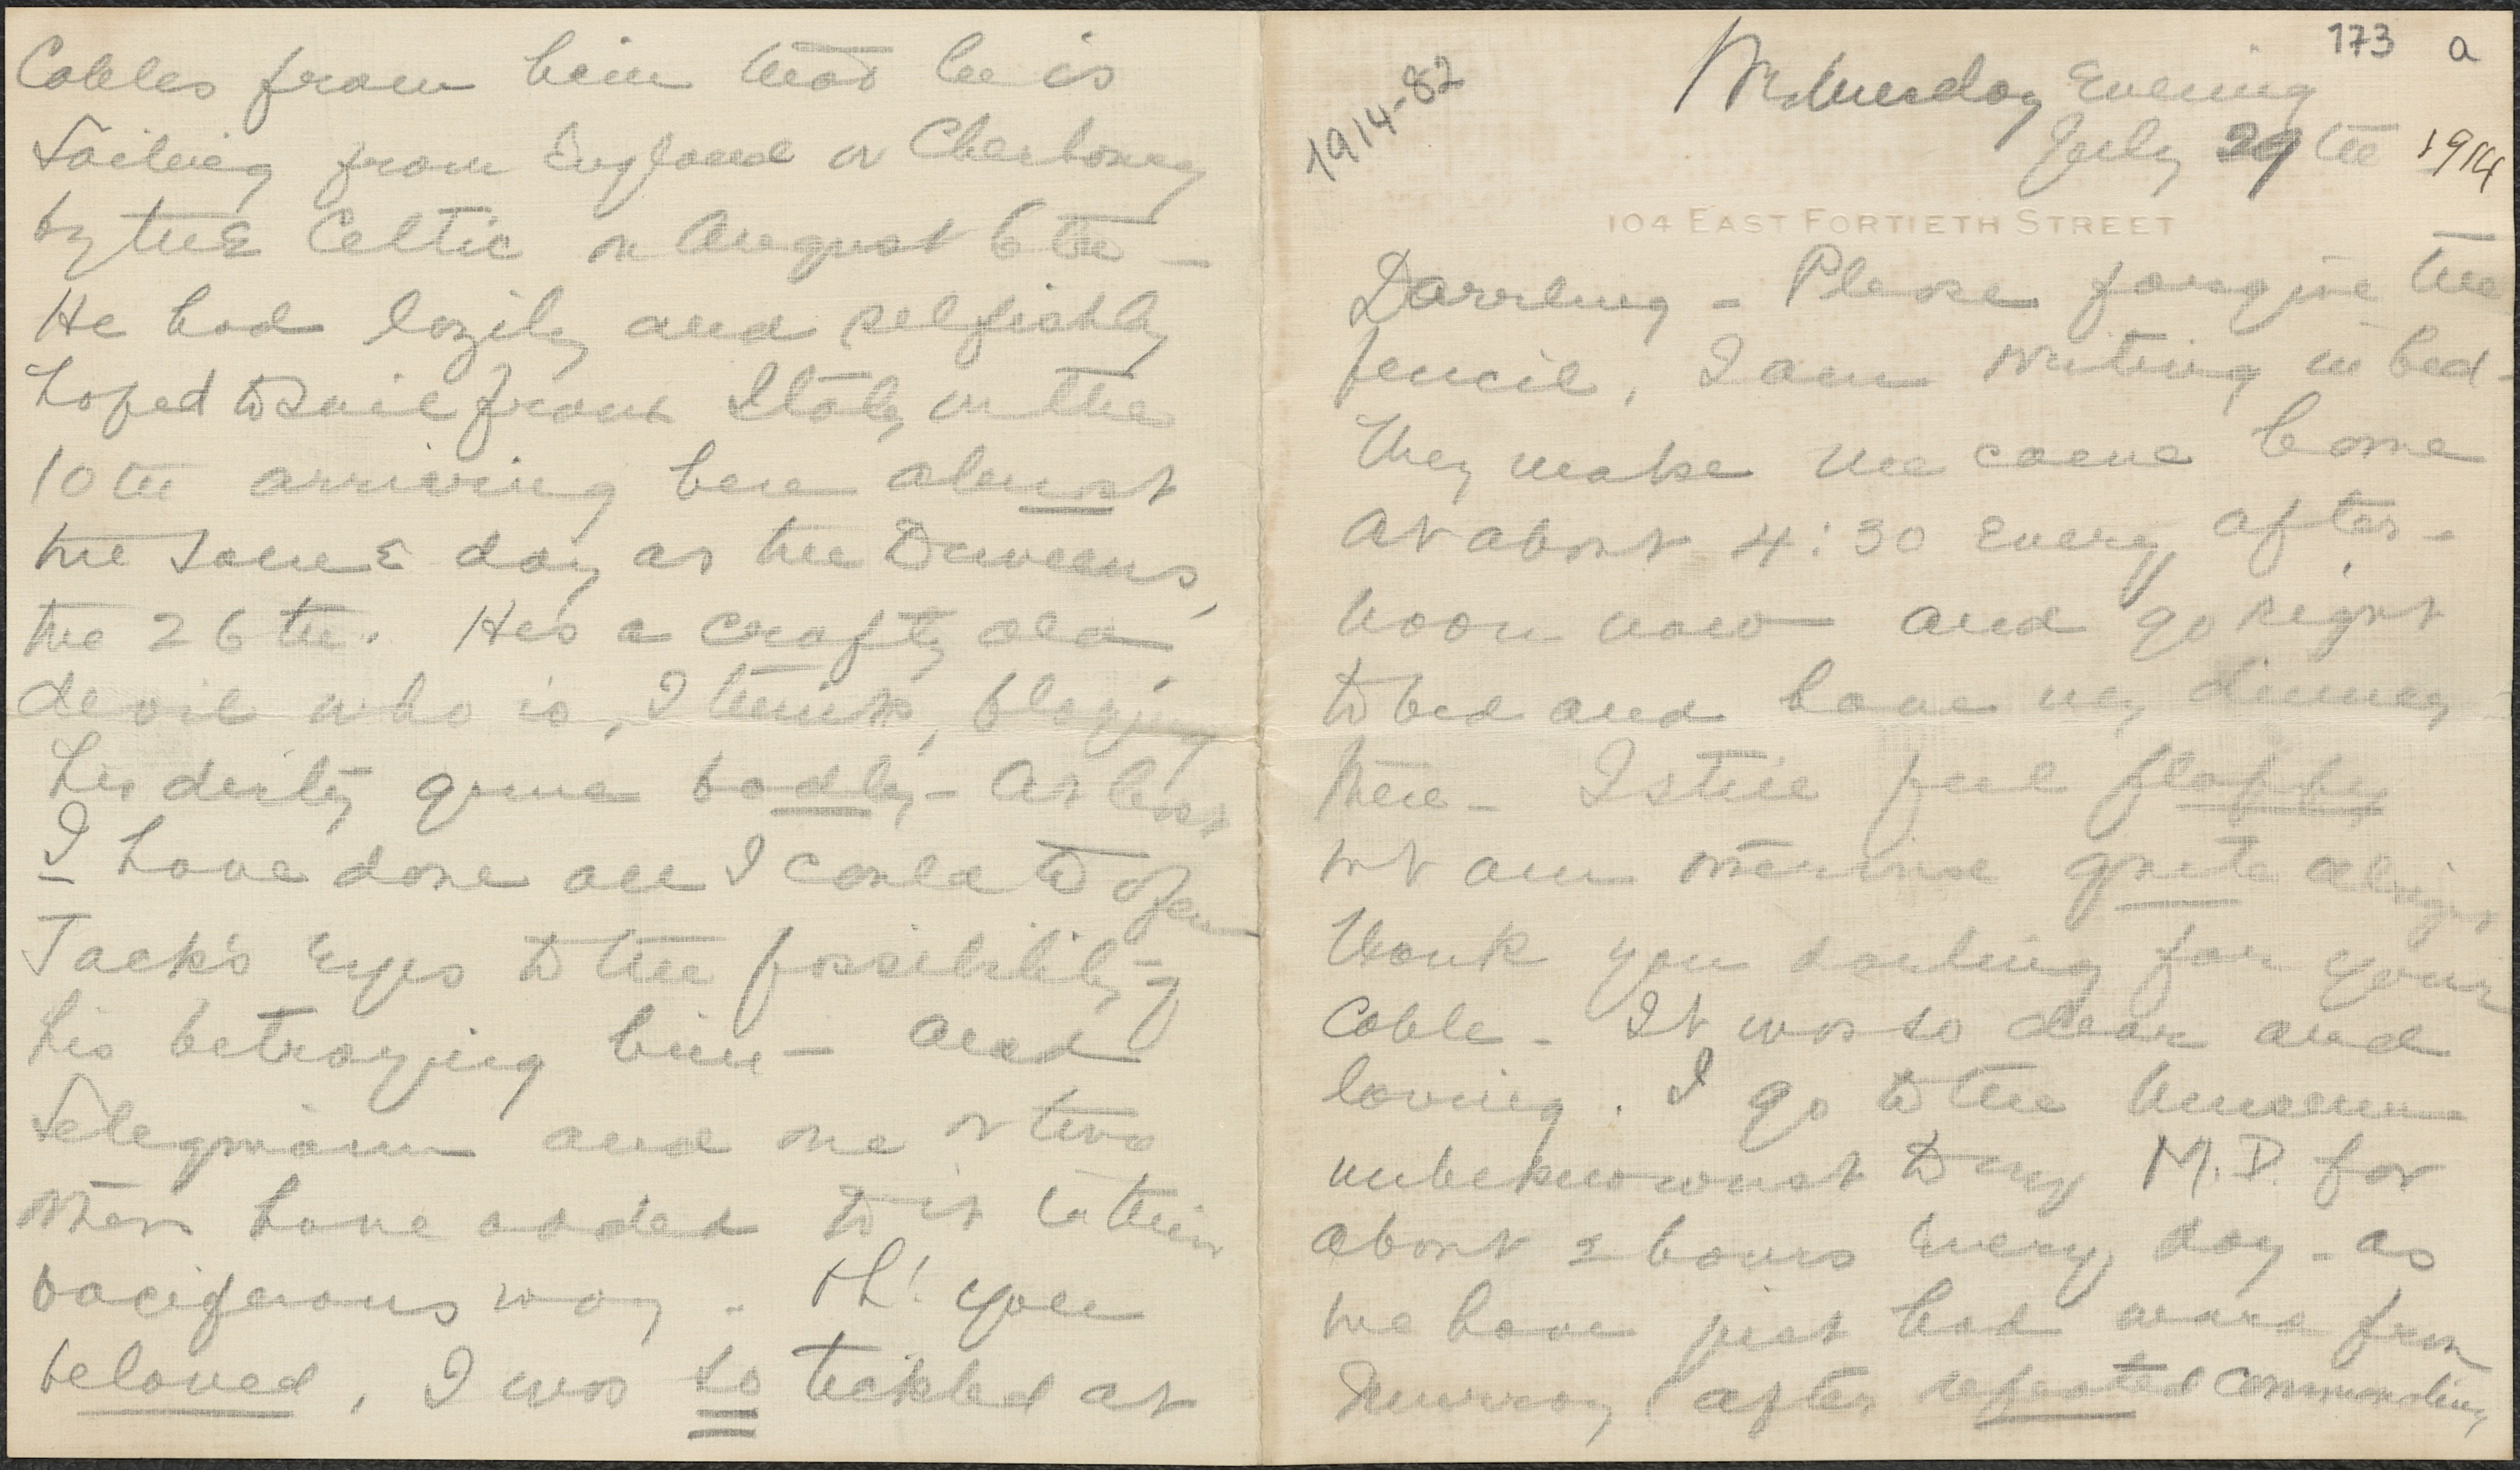Wednesday evening –
July 29th
Darrling – Please forgive the pencil, I am writing in bed – They make me come home at about 4:30 every afternoon now and go right to bed and have my dinner there – I still feel floppy but am otherwise quite alright Thank you darling for your cable – It was so dear and loving. I go to the Museum unbeknownst to my M.D. for about 2 hours every day – as we have just had word from Murray (after repeated communicating
cables from him that he is sailing from England or Cherbourg by the Celtic on August 6th – he had lazily and selfishly hoped to sail from Italy on the 10th arriving here almost the same day as the Duveens, the 26th. He’s a crafty old devil who is, I think, playing his dirty game badly – At least I have done all I could to open Jack’s eyes to the possibility of his betraying him – and Seligmann and one or two others have added to it in their vociferous way – oh! you beloved, I was [double underlined: so] tickled at